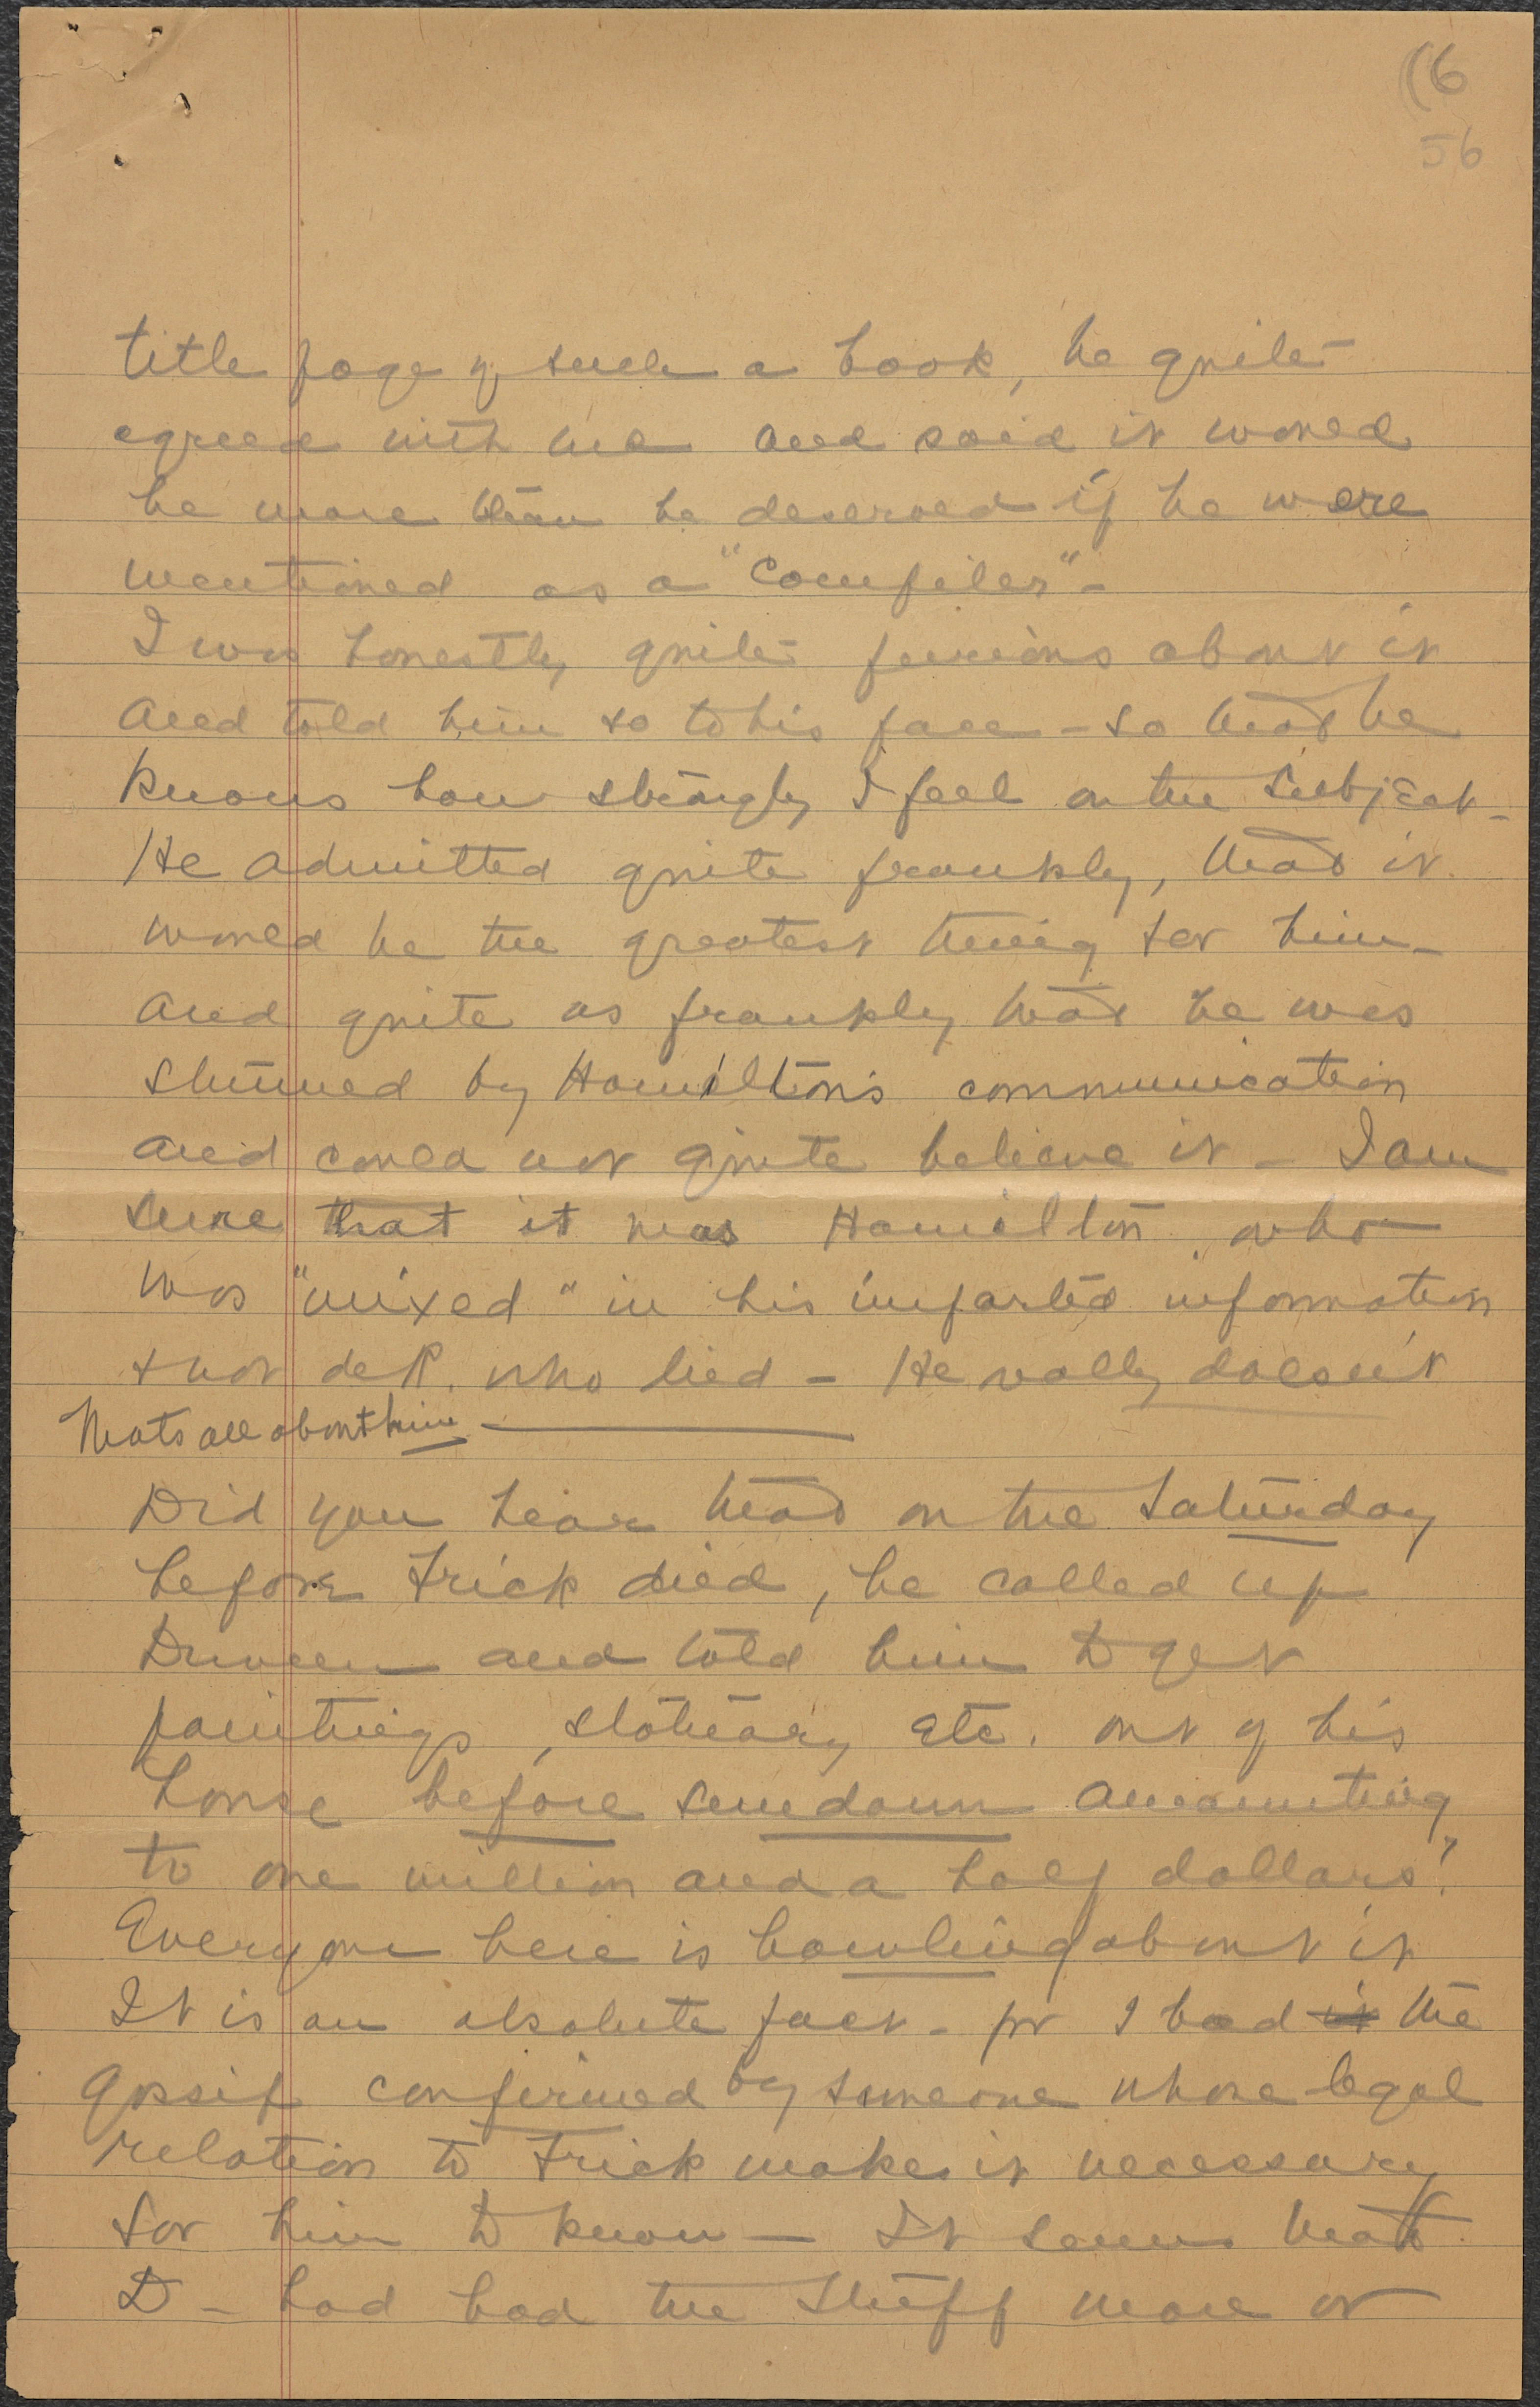title page of such a book, he quite agreed with me and said it would be more than he deserved if he were mentioned as a "compiler" –
I was honestly quite furious about it and told him so to his face – so that he knows how strongly I feel on the subject – He admitted quite frankly, that it would be the greatest thing for him – and quite as frankly that he was stunned by Hamilton's communication and could not quite believe it – I am sure that it was Hamilton who was "mixed" in his imparted information & not deR. who lied – He really doesn't
[In a smaller hand: That's all about him]
Did you hear that on the Saturday before Frick died, he called up Duveen – and told him to get paintings, statuary etc. out of his house before sundown amounting to one million and a half dollars? Everyone here is bawling about it It is an absolute fact – for I had it the gossip confirmed by someone whose legal relation to Frick makes it necessary for him to know – It seems that D – had had the stuff more or